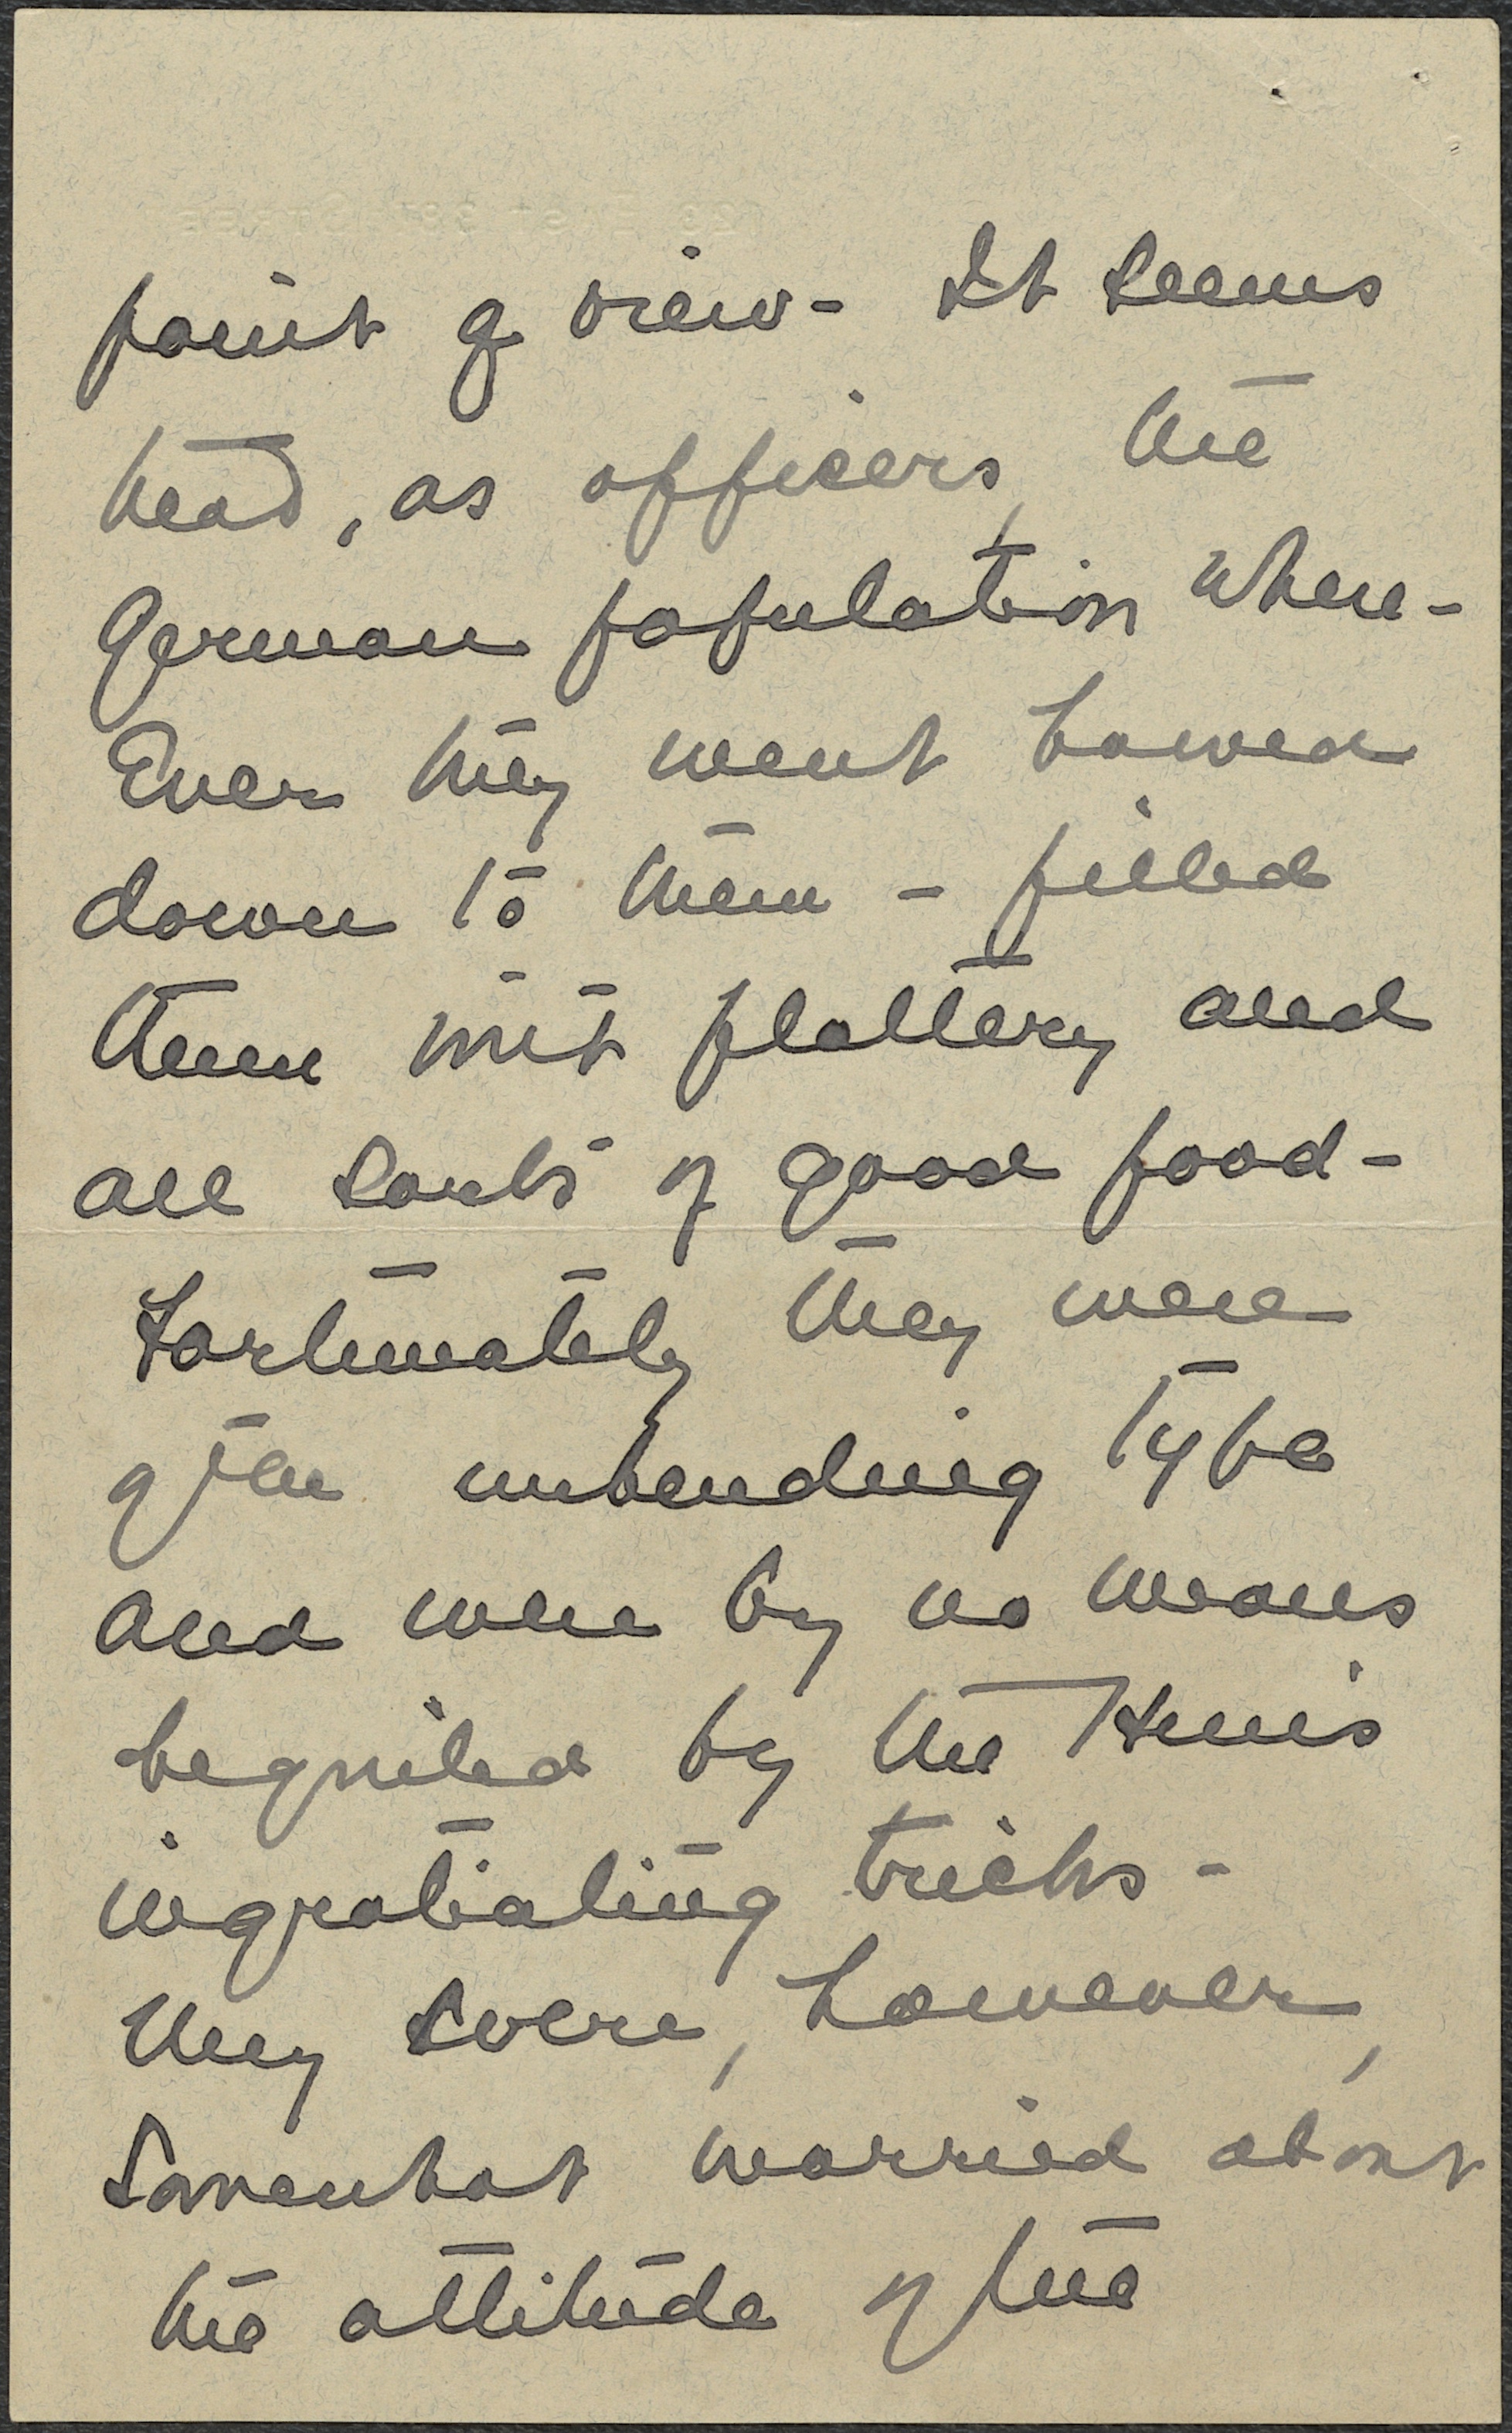point of view – It seems that, as officers the German population where-ever they went bowed down to them – filled them with flattery and all sorts of good food – fortunately they were of the unbending type and were by no means beguiled by the Hun’s ingratiating tricks – they were, however, somewhat worried about the attitude of the